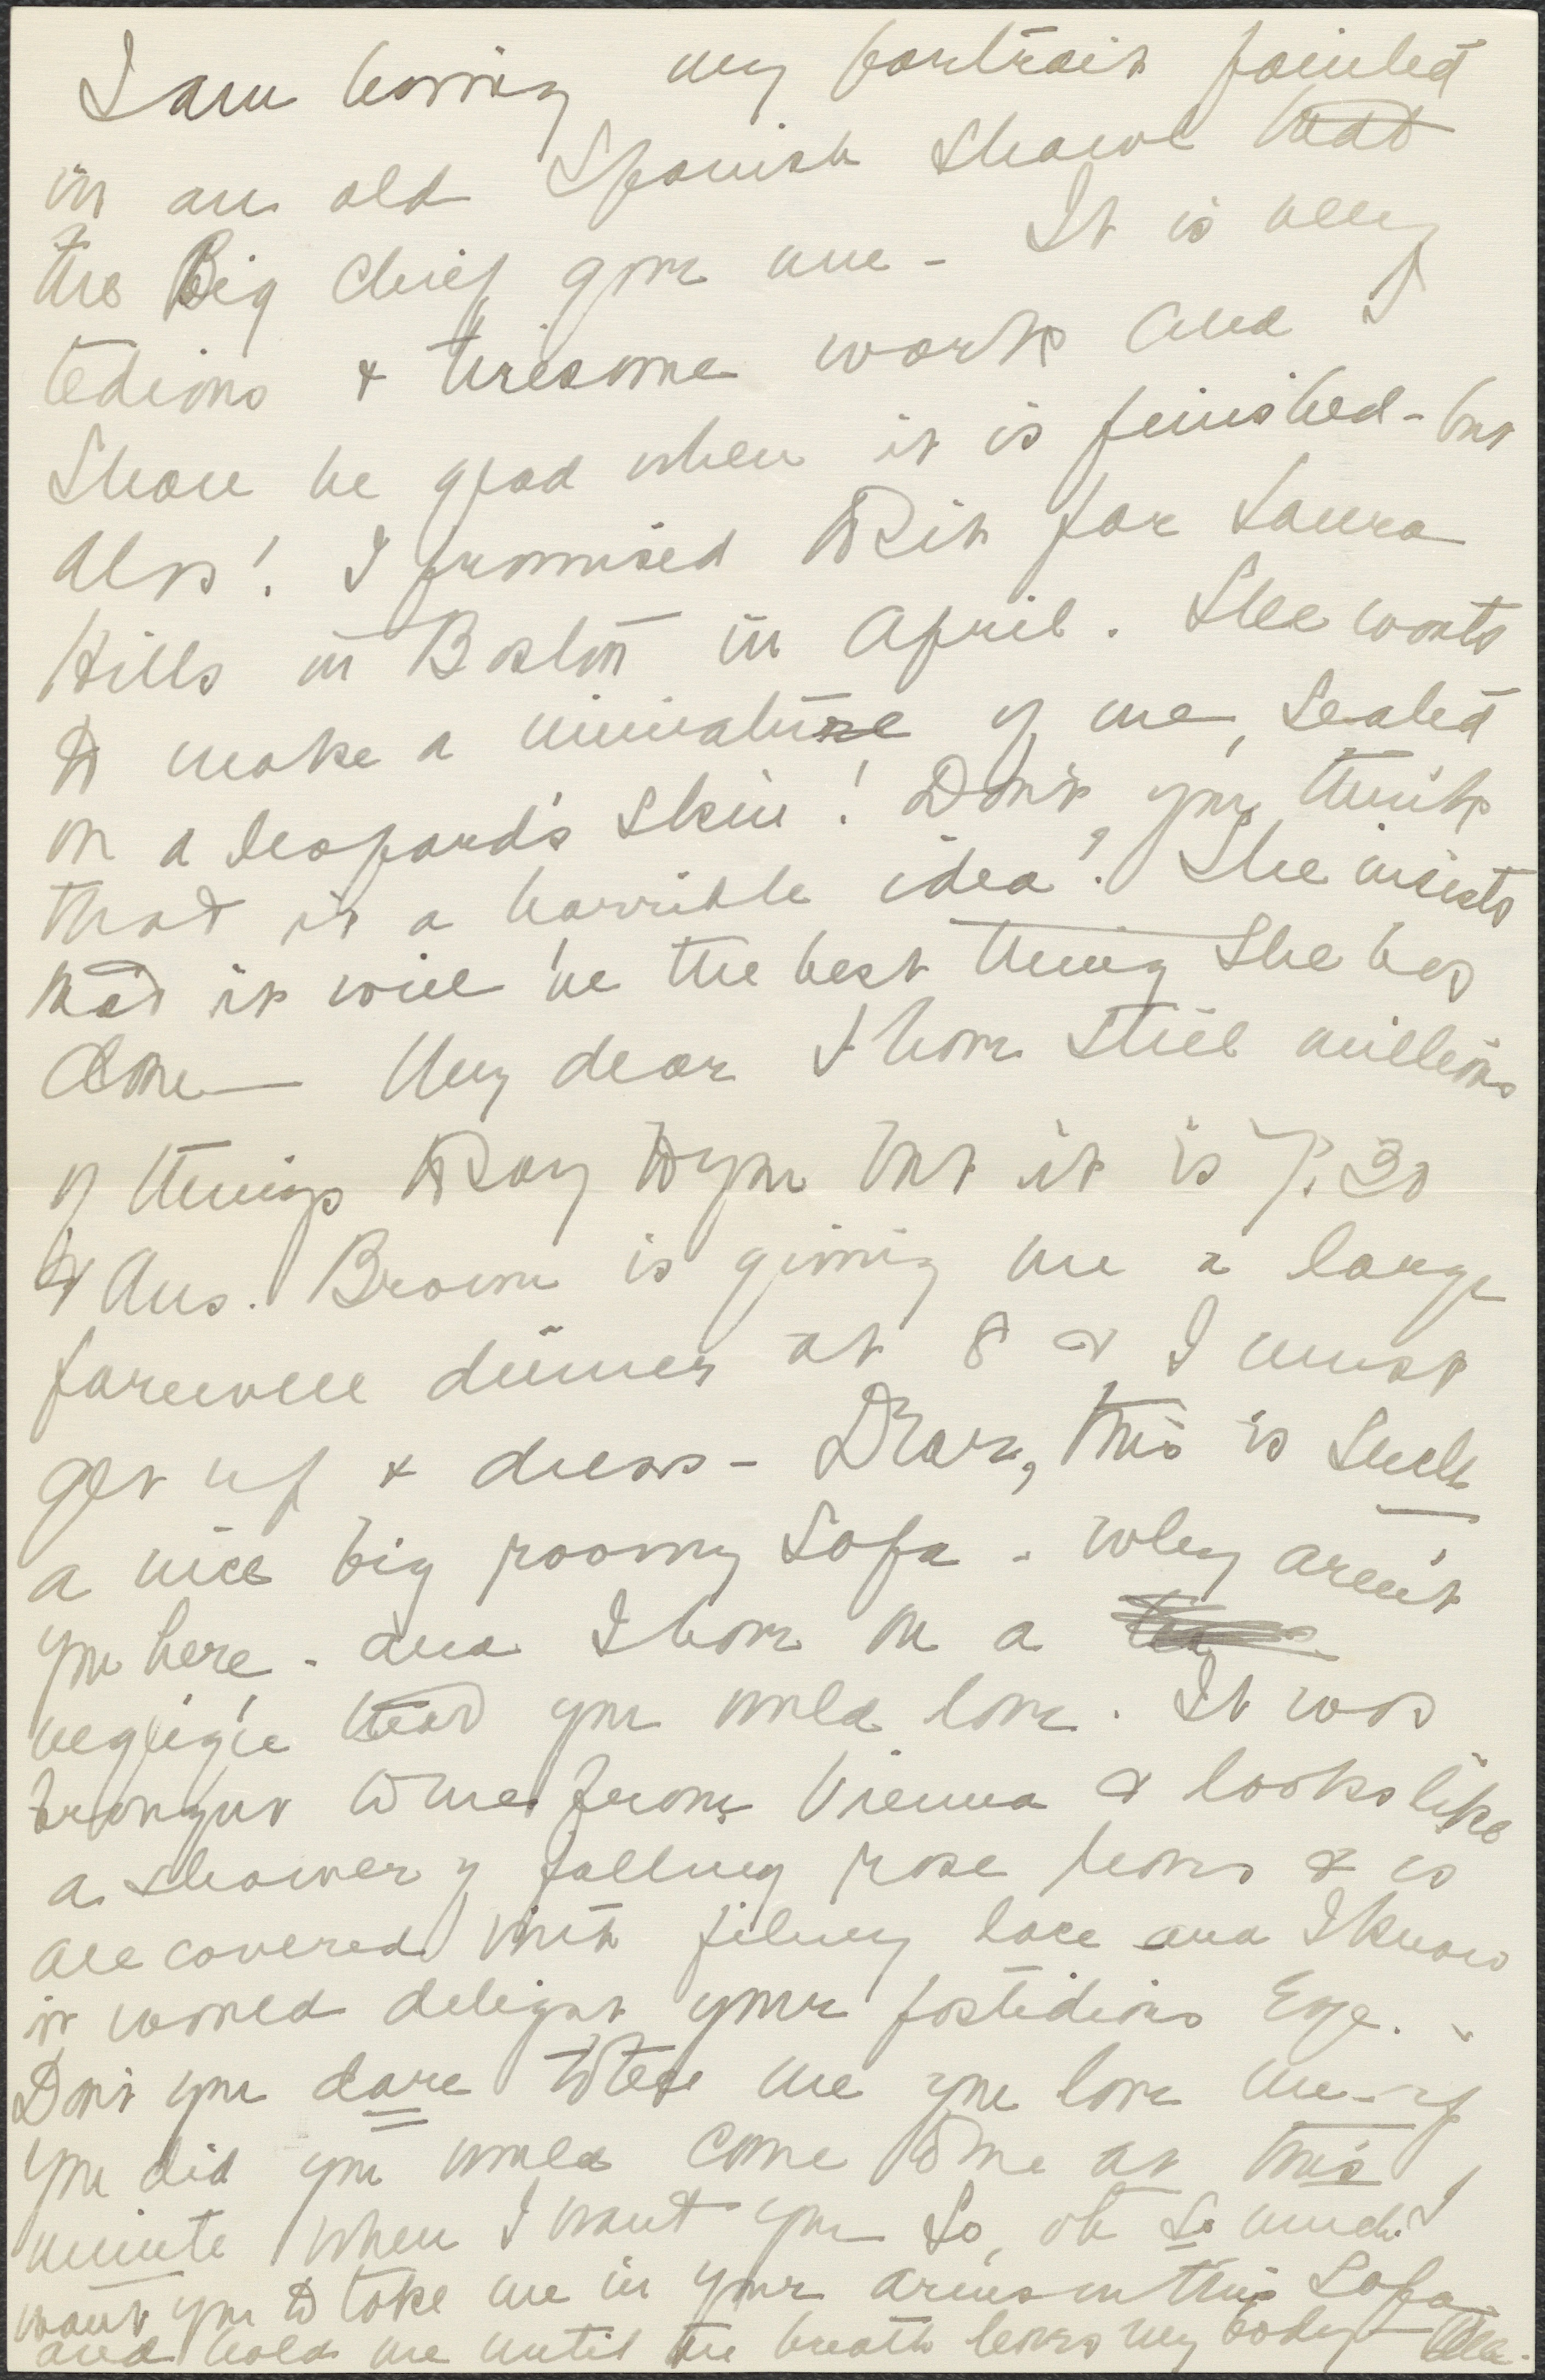I am having my portrait painted in an old Spanish shawl that the Big Chief gave me – It is very tedious & tiresome work and I shall be glad when it is finished – but alas! I promised to sit for Laura Hills in Boston in April. She wants to make a miniature of me, seated on a leopard’s skin! Don’t you think that is a horrible idea? She insists that it will be the best thing she has done – My dear I have still millions of things to say to you but it is 7:30 & Mrs. Brown is giving me a large farewell dinner at 8 & I must get up & dress – Dear, this is such a nice big roomy sofa – why aren’t you here – and I have on a tea negligée that you would love. It was brought to me from Vienna & looks like a shower of falling rose leaves & is all covered with filmy lace and I know it would delight your fastidious eye. Don’t you [double underlined: dare] to tell me you love me – if you did you would come to me at this minute when I want you – So, oh so much I want you to take me in your arms on this sofa and hold me until the breath leaves my body – Belle.